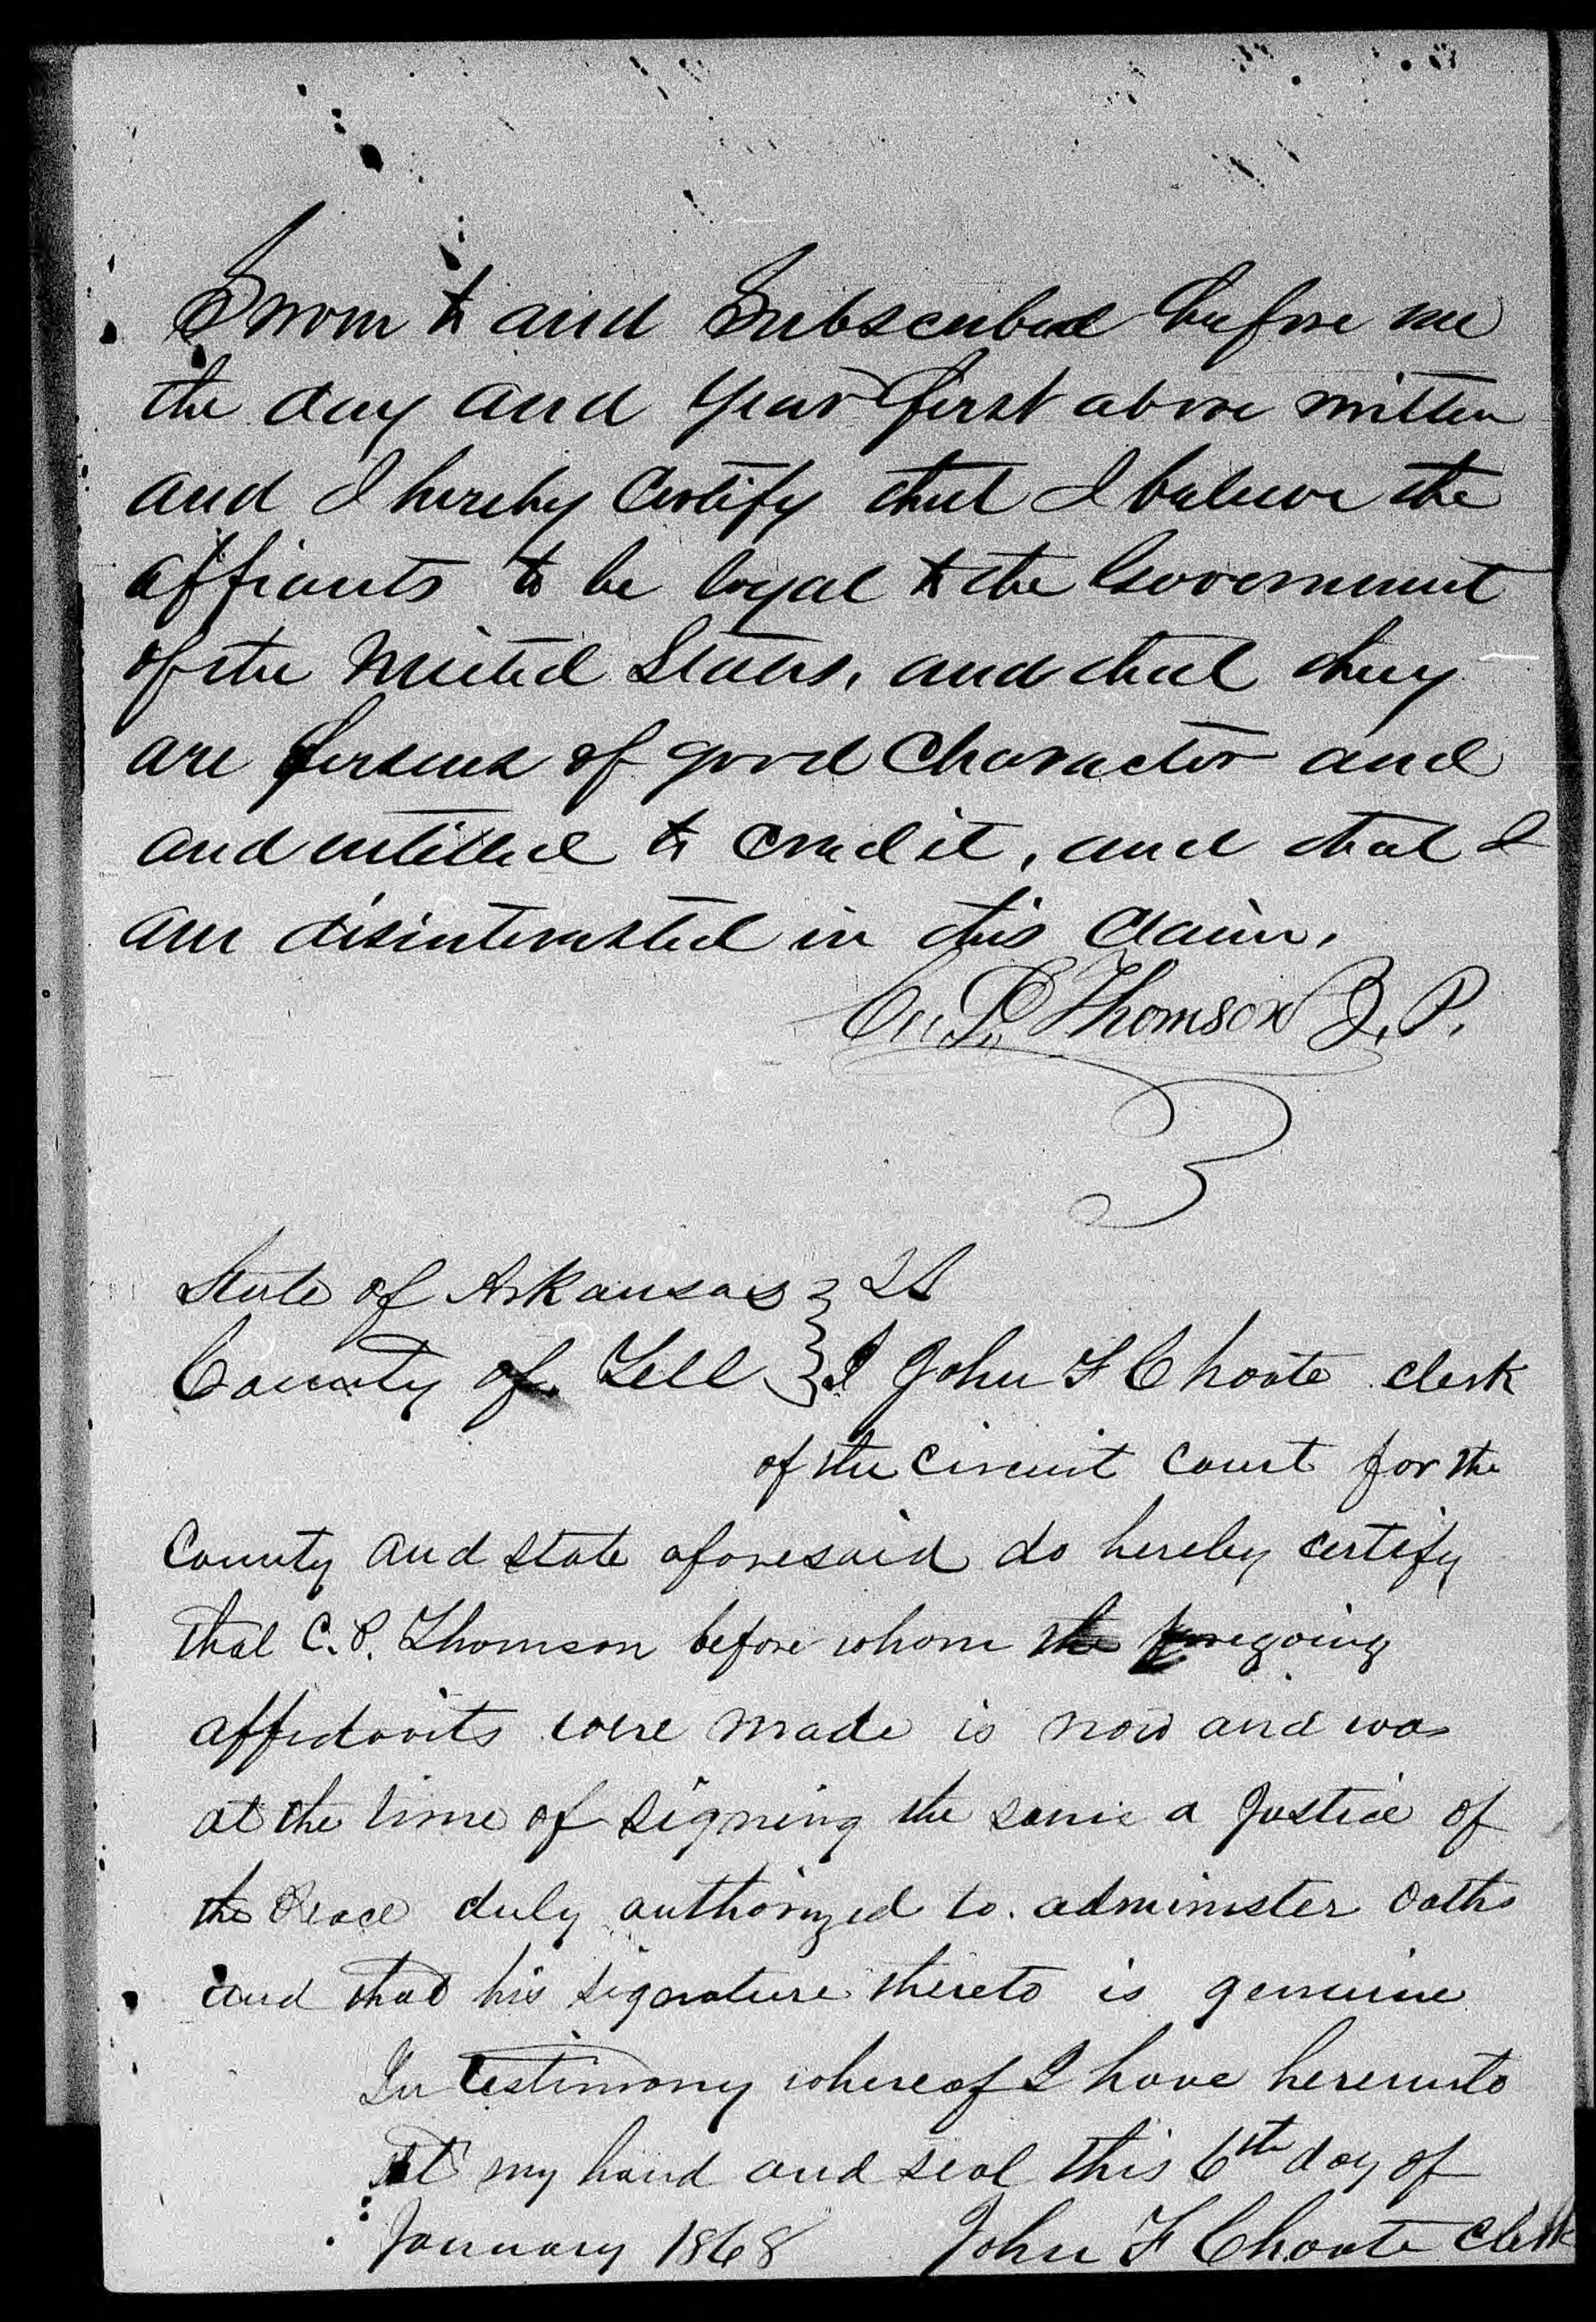Sworn and Subscribed before me the day and year first above written and I hereby certify that I believe the affiants to be loyal to the Government of the United States, and that they are persons of good character and entitled to credit, and that I and disinterested in this Claim,
C L Thomson J. P.

State of Arkansas
County of Lee
 I John F Choate Clerk of the Circuit Court for the County and State aforesaid do hereby certify that C. L. Thomson before whom the foregoing affidavits were made is now and was at the time of signing the same a Justice of the Peace duly authorized to administer oaths and that his signature thereto is genuine

In testimony whereof I have hereunto set my hand and seal this 6th day of January 1868
John F Choate Clerk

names: C P Thomson; John F Choate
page: 106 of 115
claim: widow's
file: W. 1446, for John Mc Clung, South Carolina